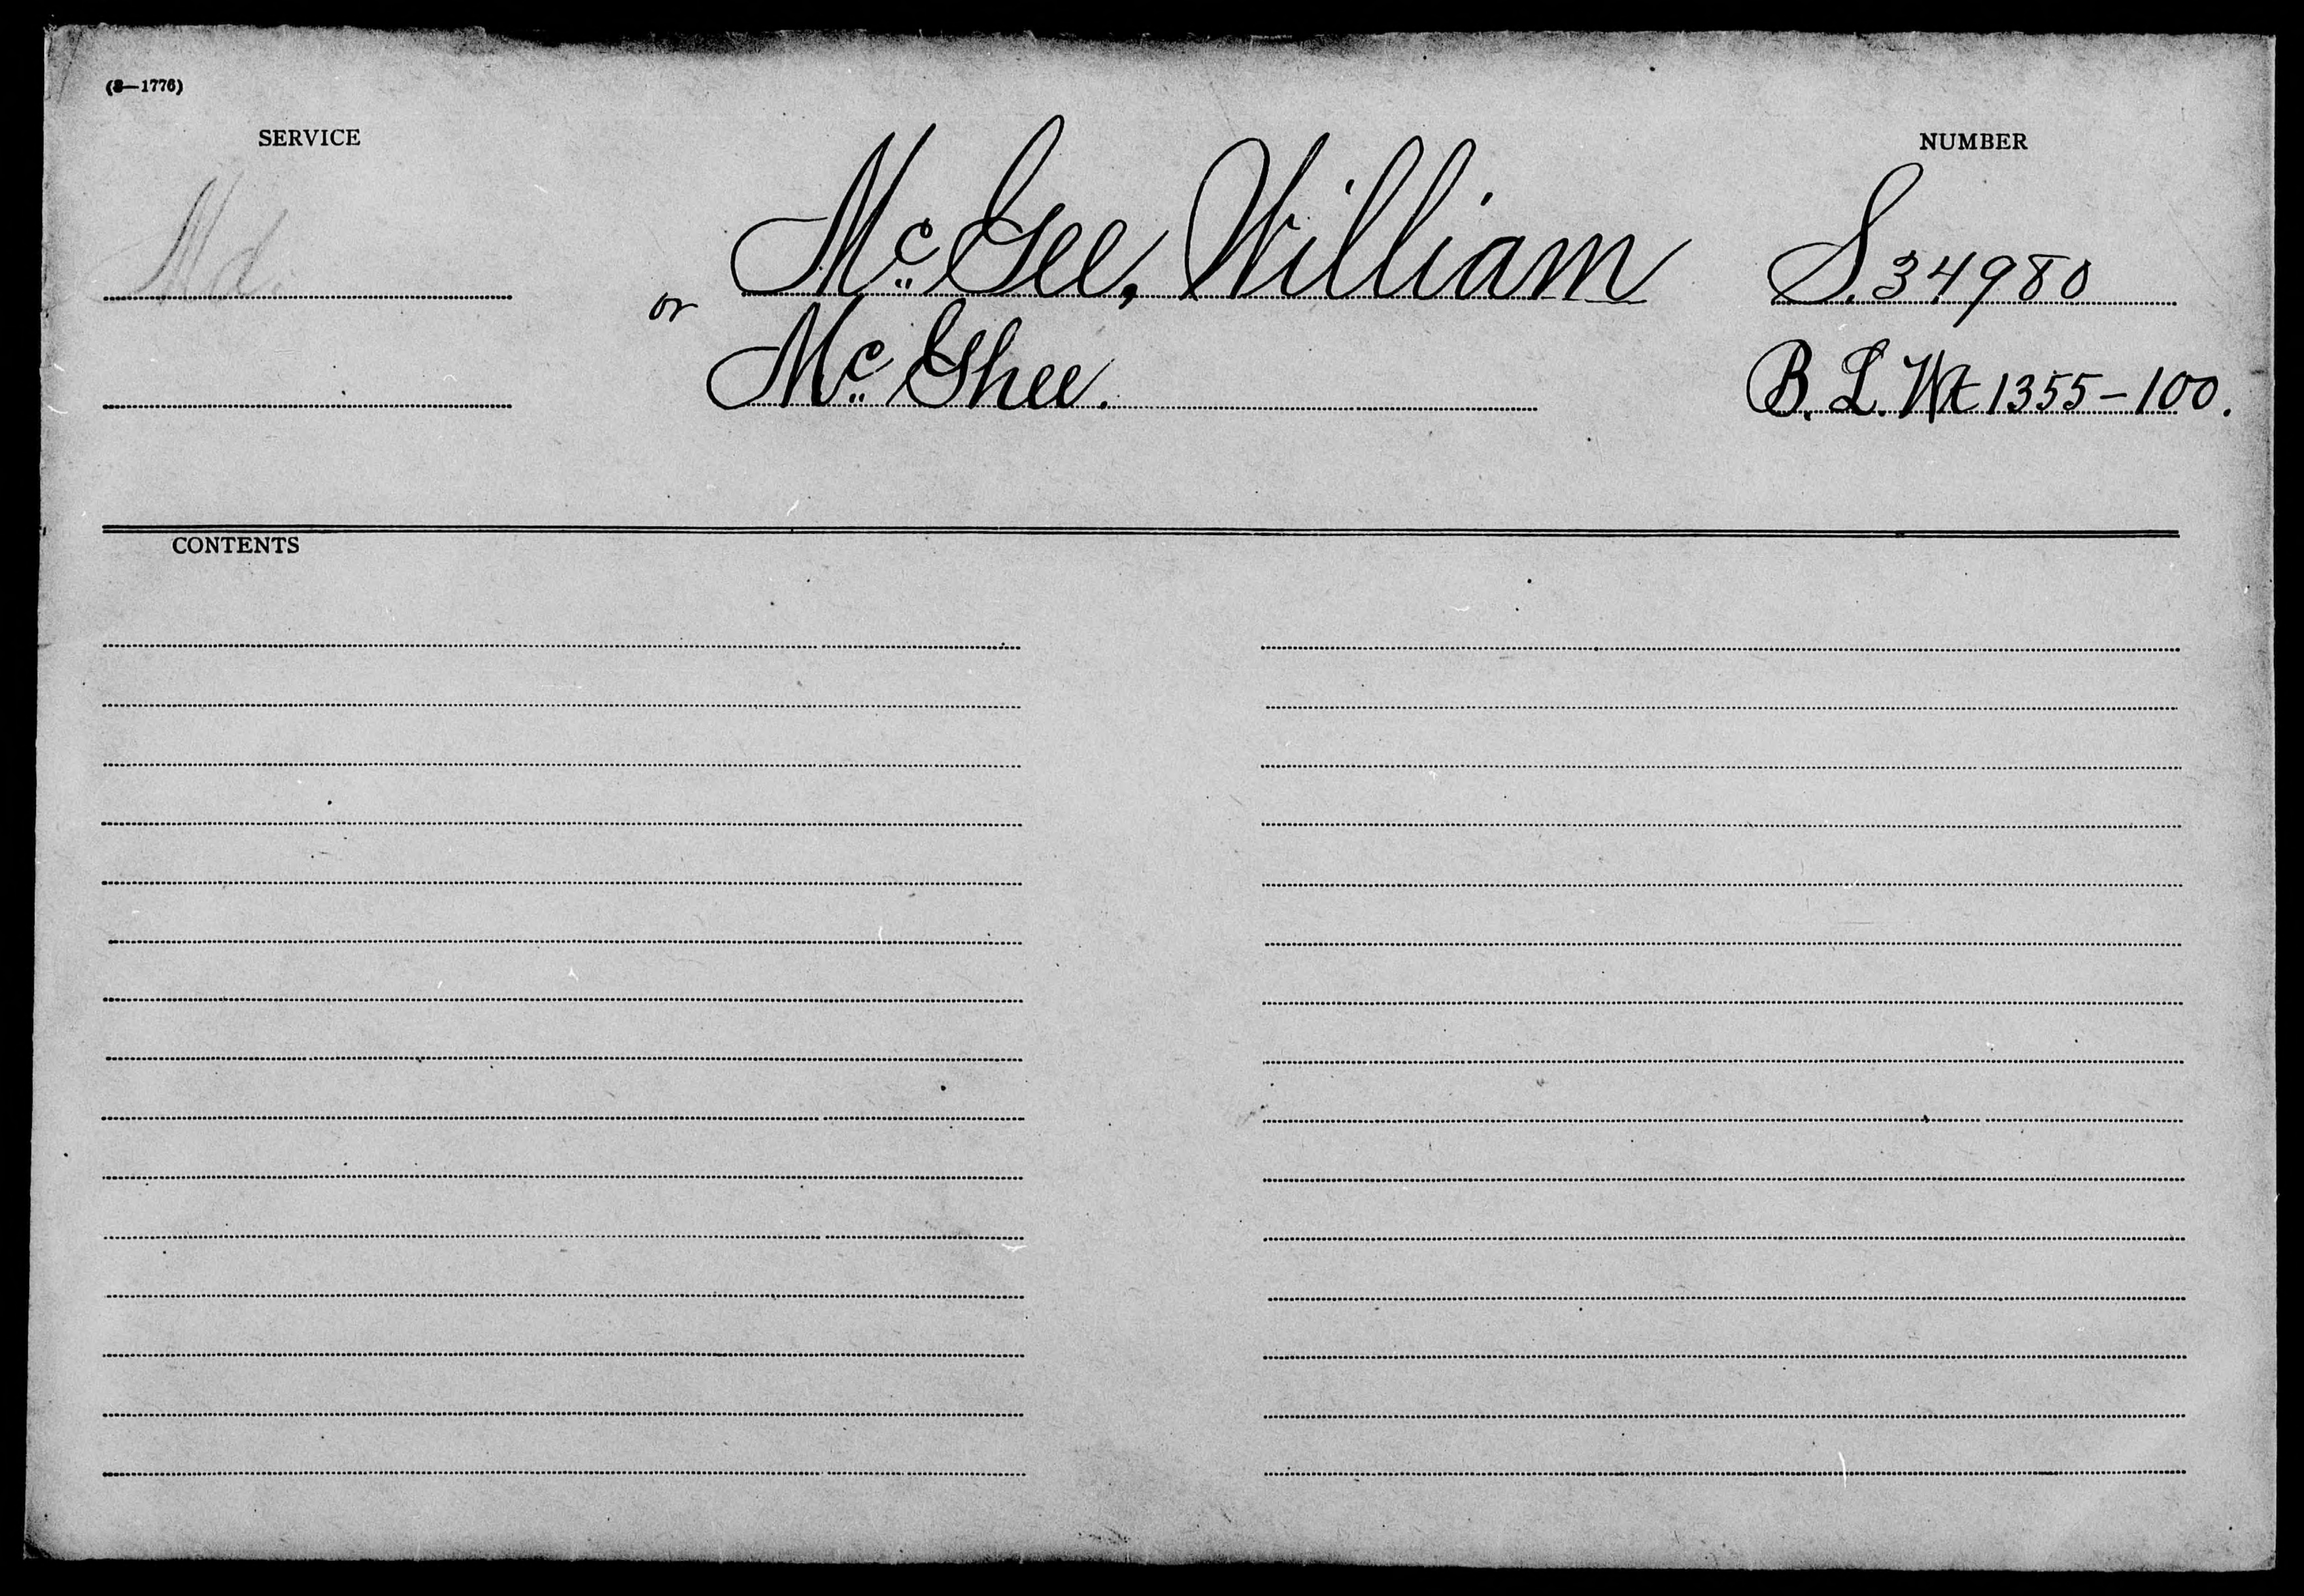[typed form, with handwritten responses]

[3-1776]

SERVICE

Md.

McGee, William       
or McGhee

NUMBER
S.34980
B.L.Wt 1355-100

CONTENTS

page: 1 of 17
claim: survivor's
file: S. 34980, for William Mc Gee, Maryland